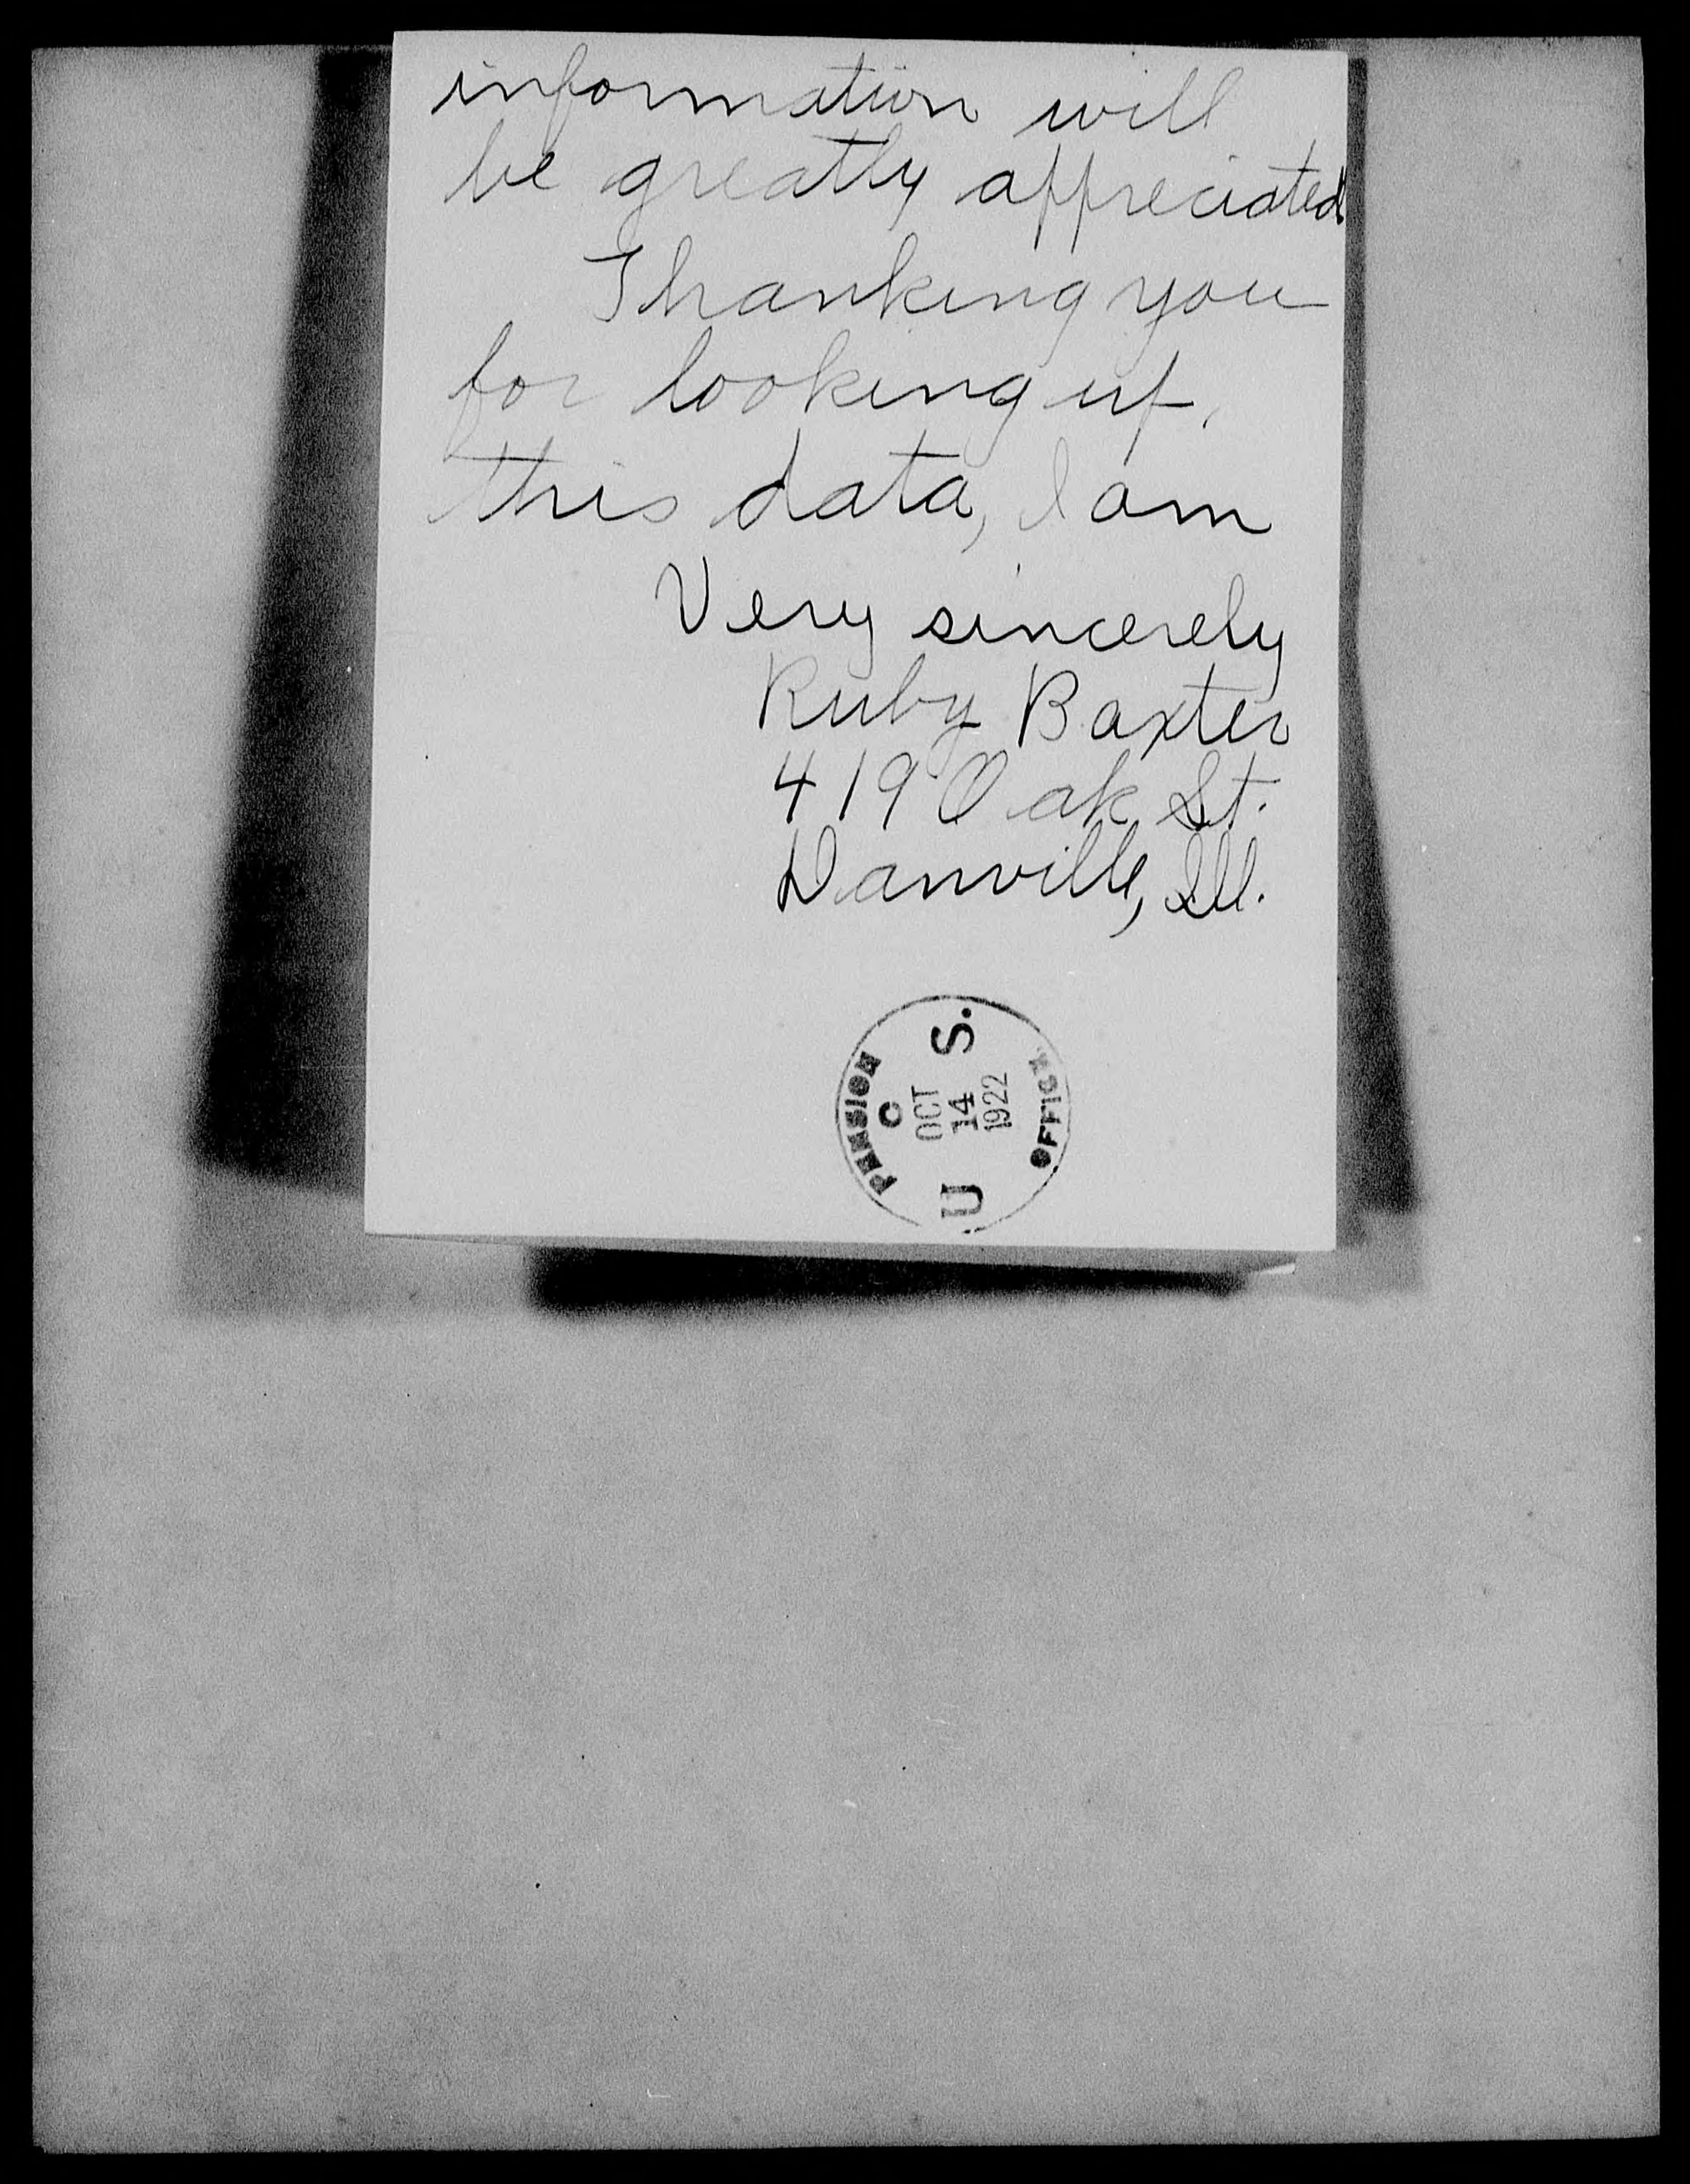Image 114    4160873_0014
Fold3 File #23857280

[Continued from image 113

information will be greatly appreciated. Thanking you for looking up this data, I am
Very sincerely  Ruby Baxter  419 Oak St.  Danville, Ill. 
[Postmark] Oct 14 1922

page: 56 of 71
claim: widow's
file: W. 8428, for James Mc Gill, Pennsylvania